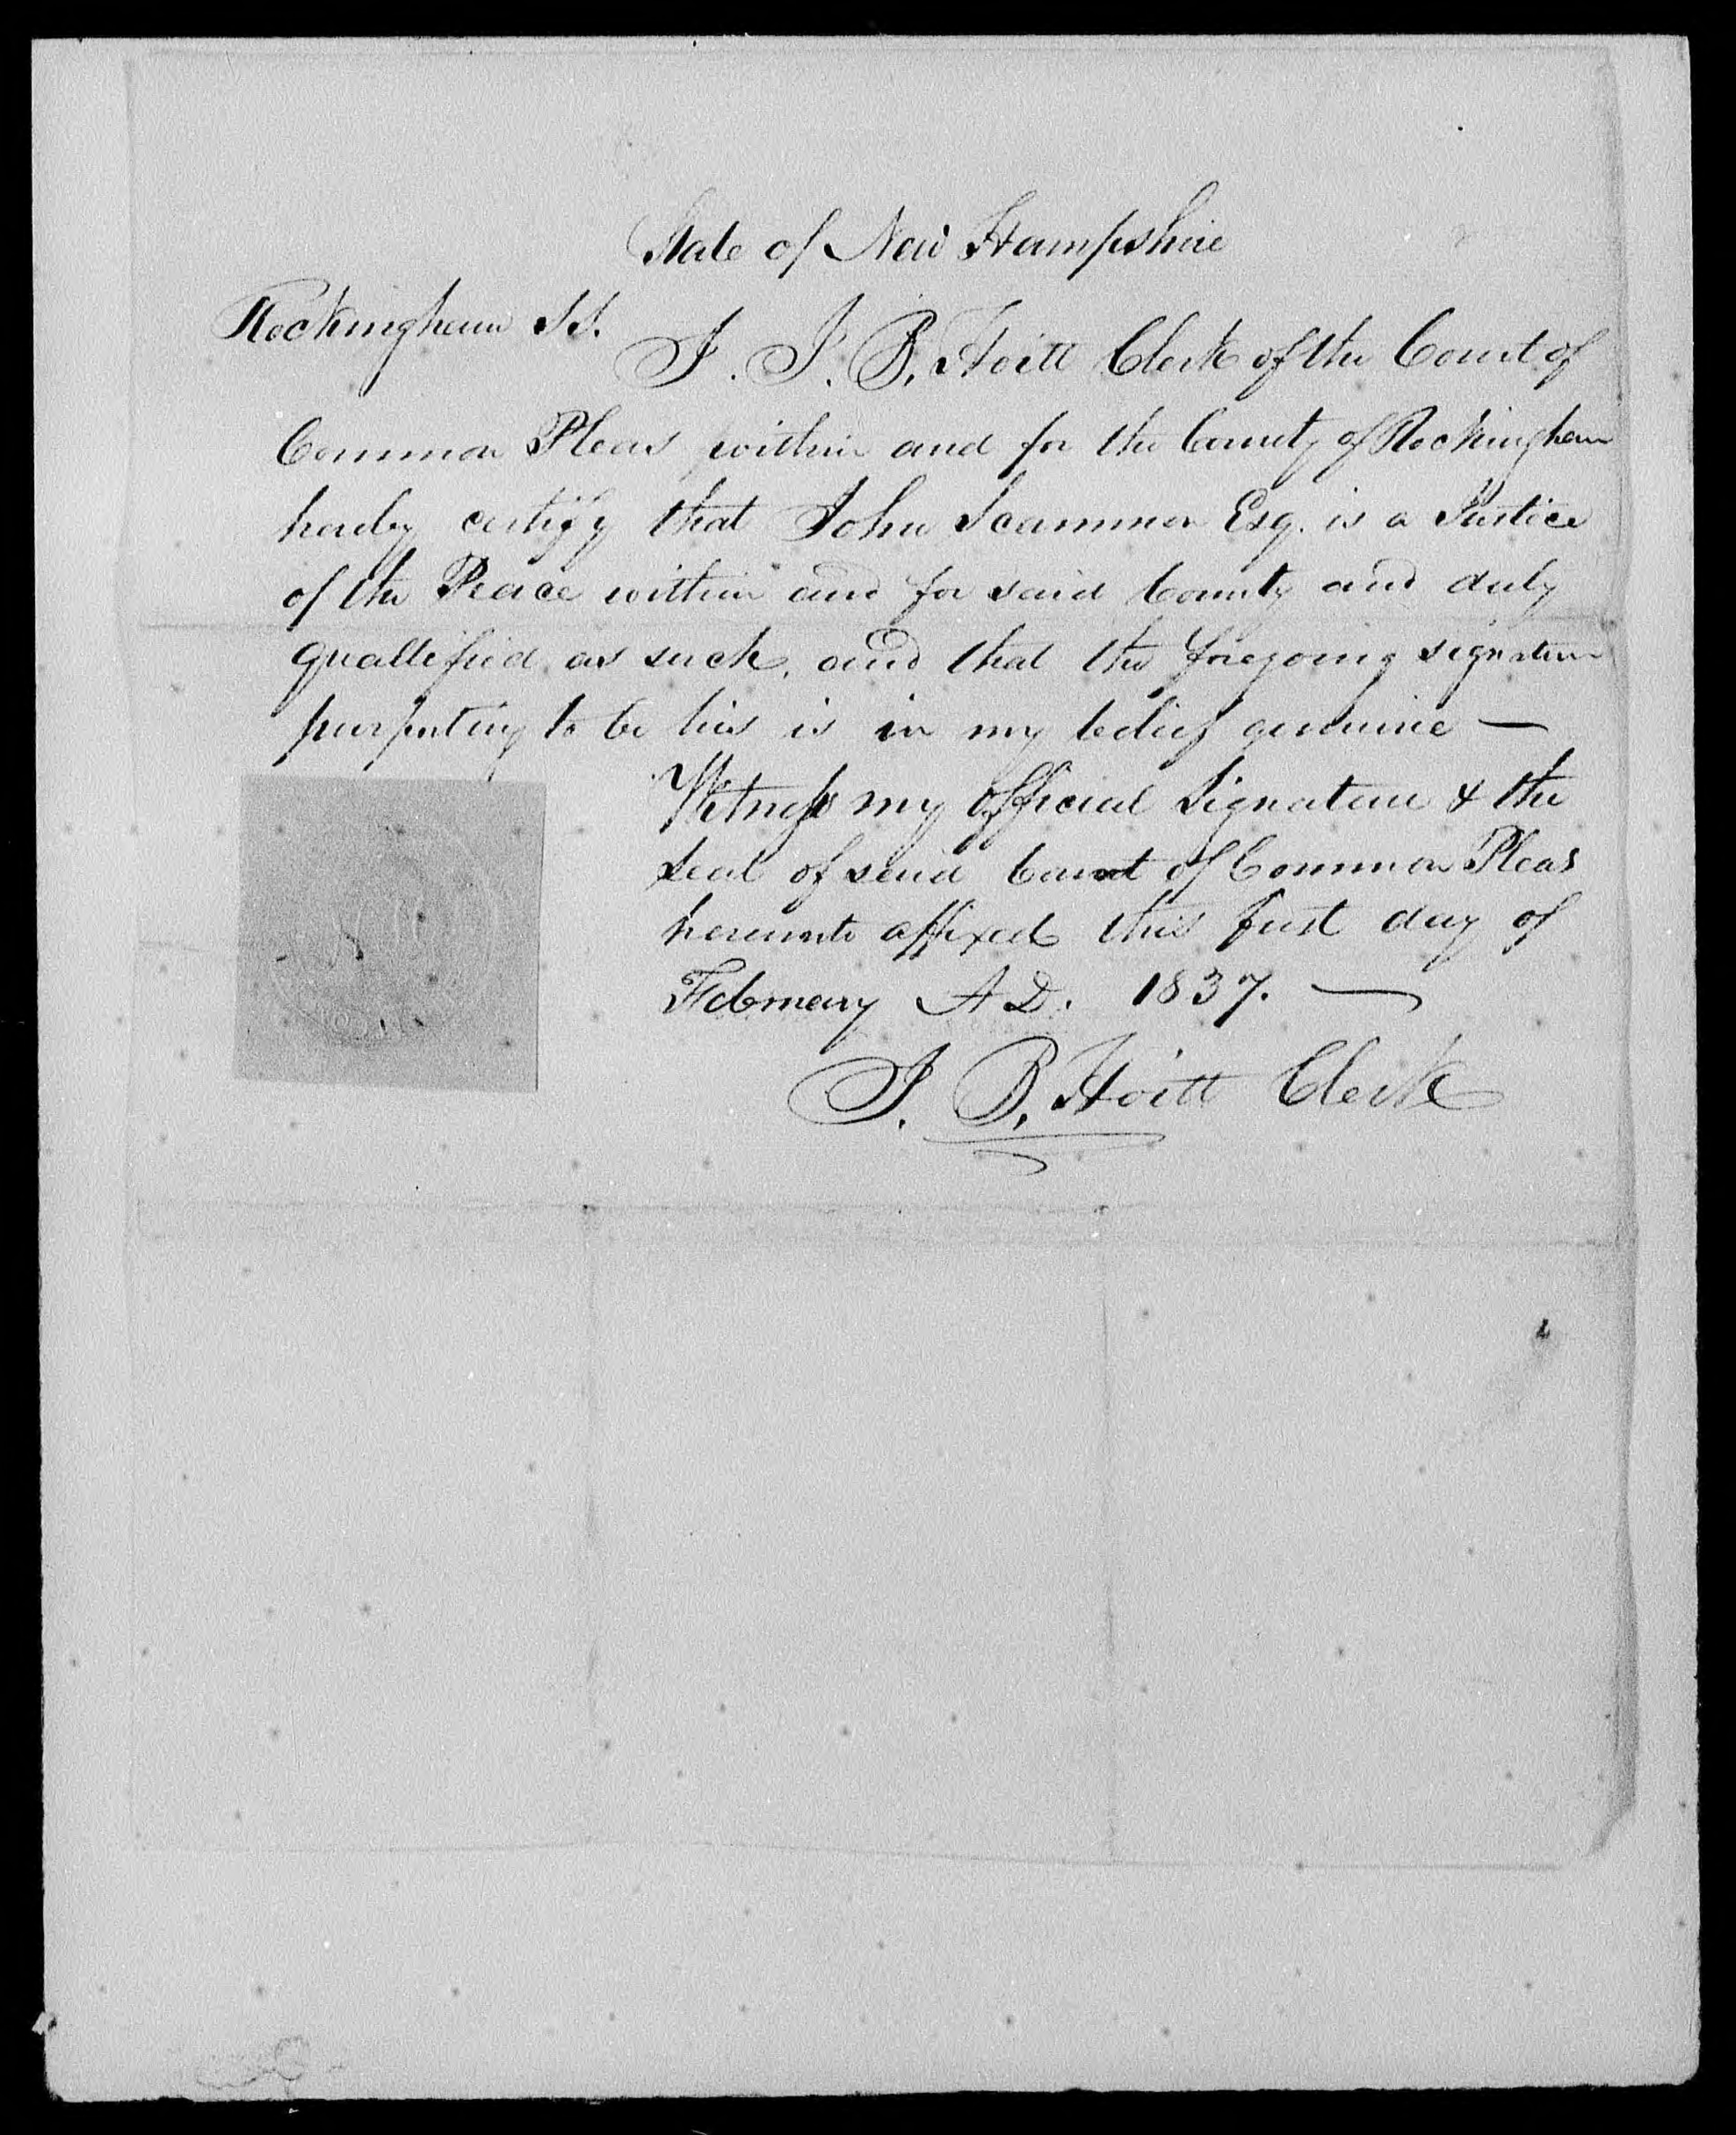State of New Hampshire
Rockingham SS.
I, J.B. Hoit Clerk of the Court of Common Pleas within and for the County of Rockingham
hereby certify that John Scammon Esq. is a Justice of the Peace within and for said County and duly
qualified as such and that the foregoing signature purporting to be his is in my belief genuine-
Witness my Official signature & the Seal of said Court of Common Pleas hereunto affixed this first day of February AD. 1837.-
J.B. Hoitt Clerk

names: J B Hoitt; John Scammon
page: 17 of 35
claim: survivor's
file: S. 10912, for Daniel Jewell, New Hampshire